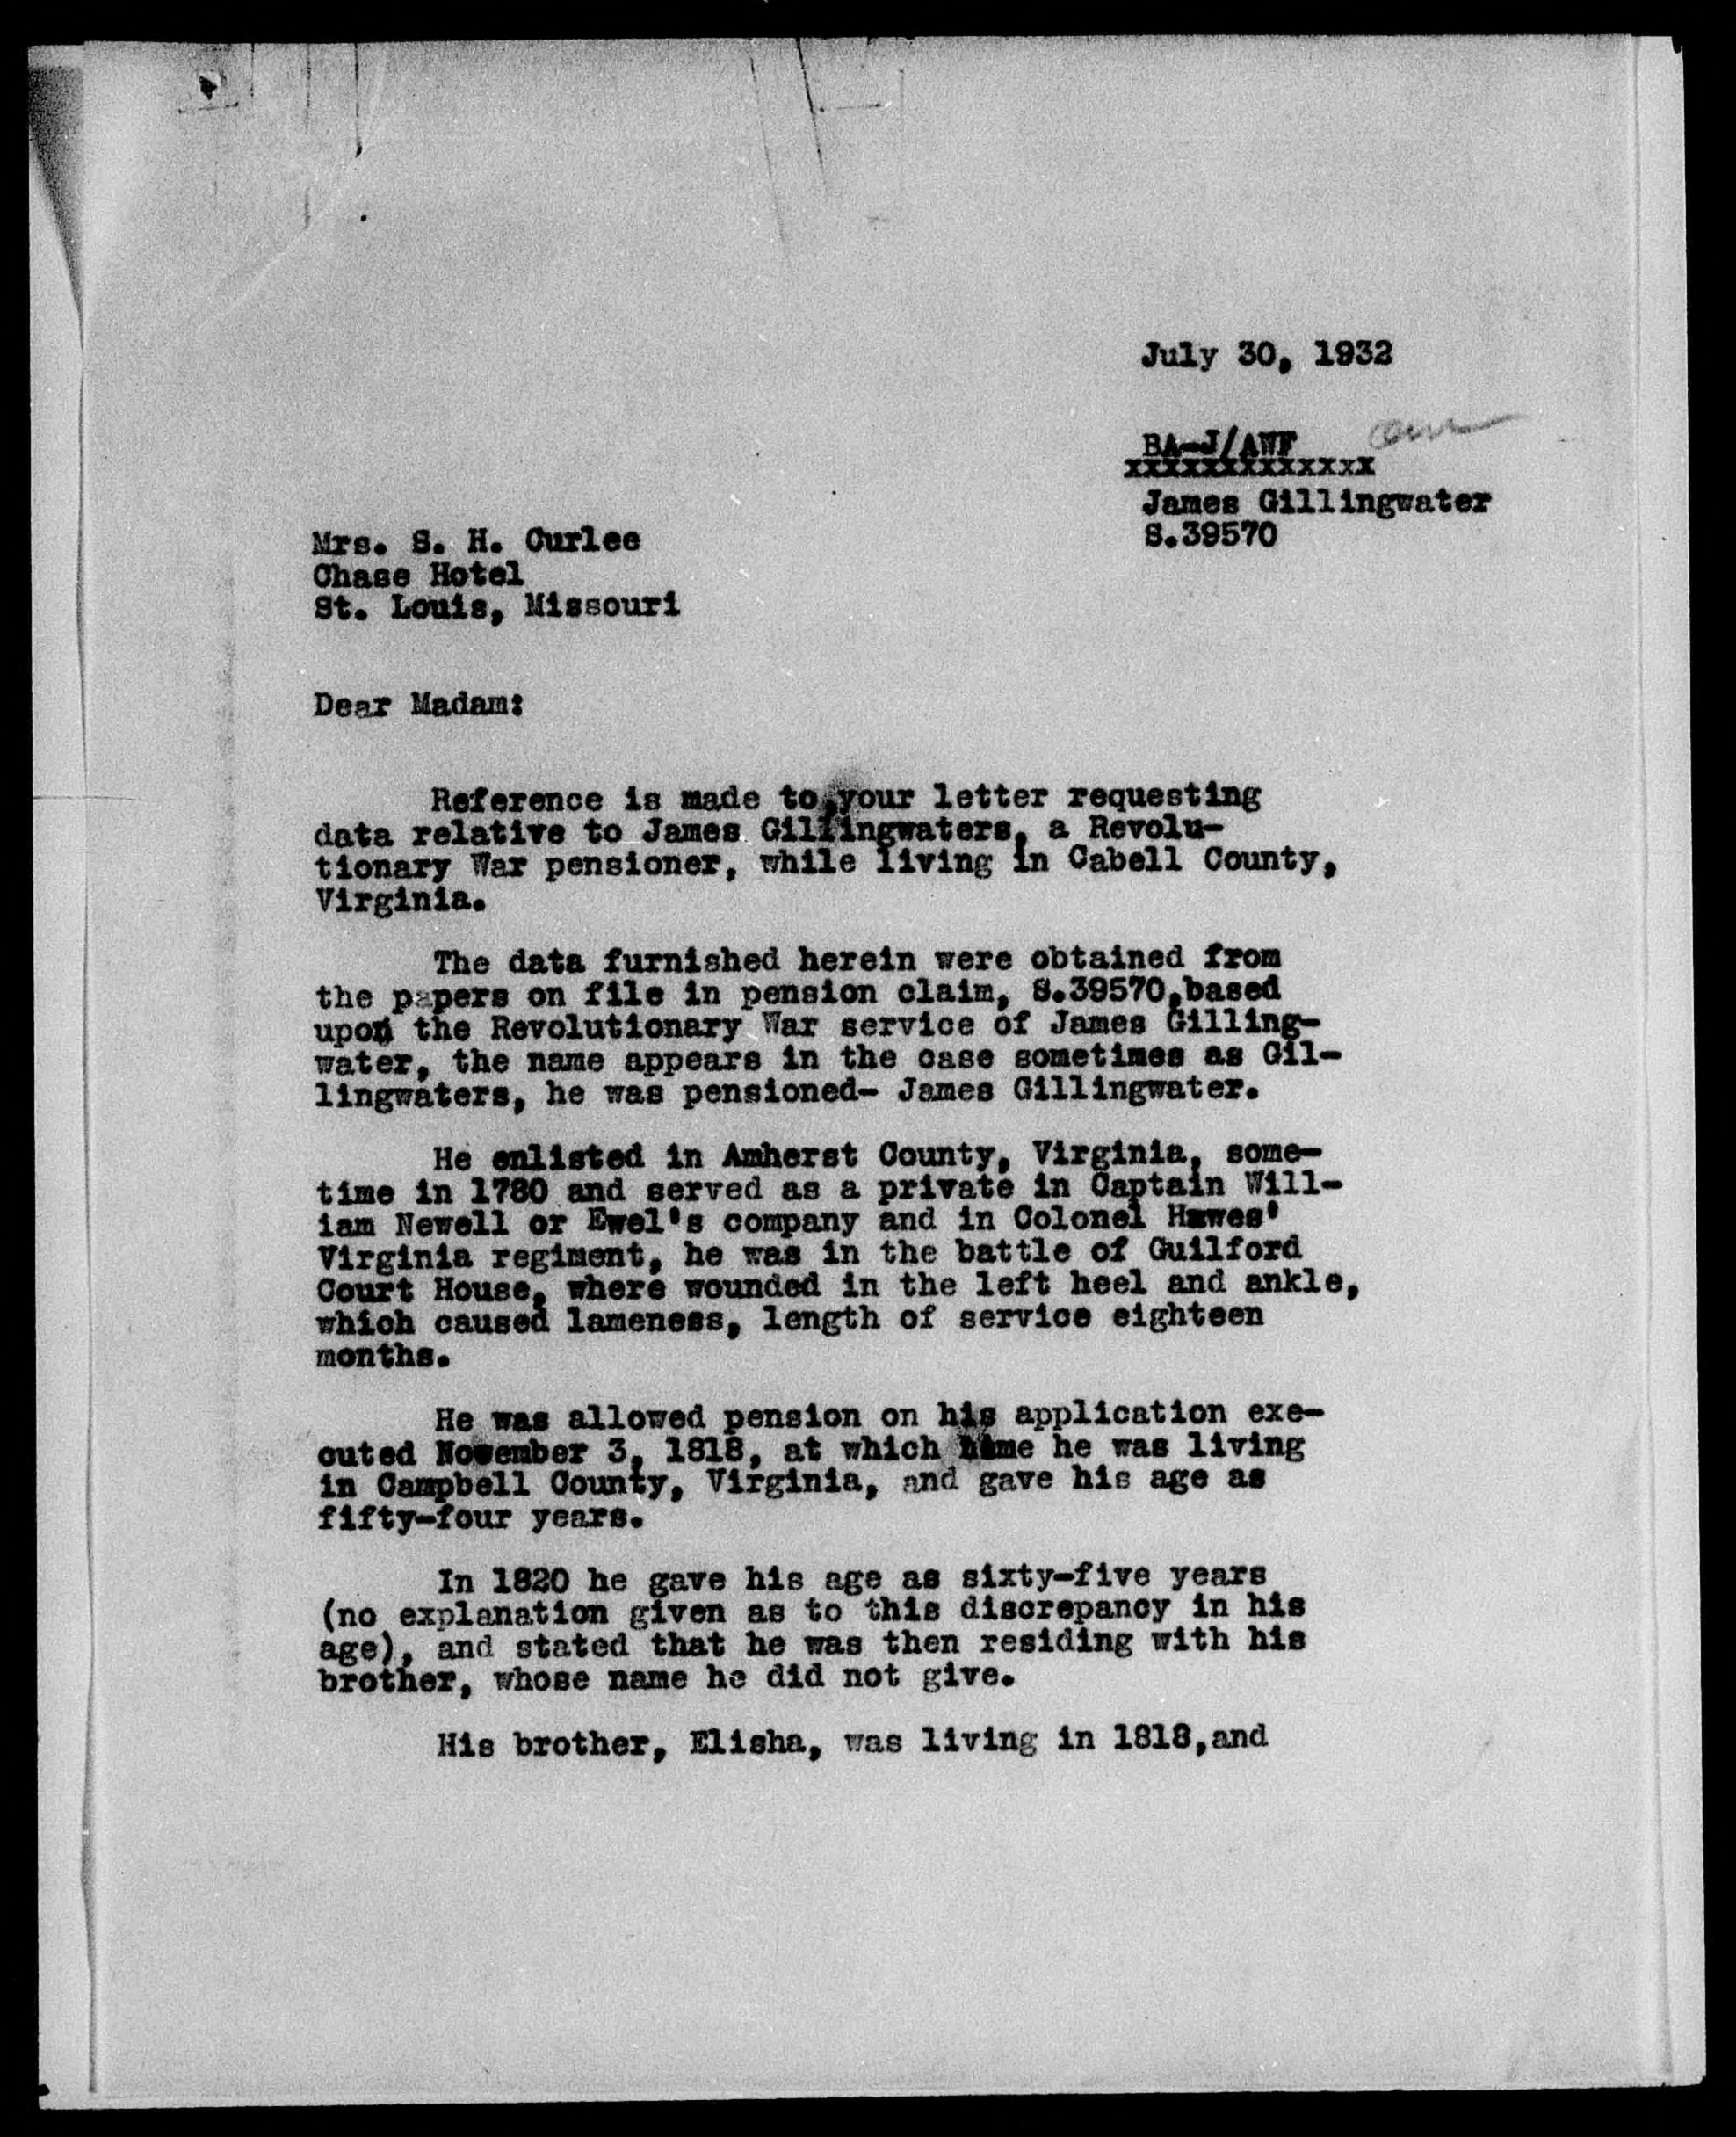July 30, 1932

BA-J/AWF
xxxxxxxxxxxxx
James Gillingwater
S. 39570

Mrs. S. H. Curlee
Chase Hotel
St. Louis, Missouri

Dear Madam:

Reference is made to your letter requesting data relative to James Gillingwaters, a Revolutionary War pensioner, while living in Cabell County, Virginia.

The data furnished herein were obtained from the papers on file in pension claim, S.39570, based upon the Revolutionary War service of James Gillingwater, the name appears in the case sometimes as Gillingwaters, he was pensioned- James Gillingwater.

He enlisted in Amherst Count, Virginia, sometime in 1780 and served as a private in Captain William Newell or Ewel's company and in Colonel Hawes' Virginia regiment, he was in the battle of Guilford Court House, where wounded in the left heel and ankle, which caused lameness, length of service eighteen months.

He was allowed pension on his application executed November 3, 1818, at which time he was living in Campbell County, Virginia, and gave his age as fifty-four years.

In 1820 he gave his age as sixty-five years (no explanation given as to this discrepancy in his age), and stated that he was then residing with his brother, whose name he did not give.

His brother, Elisha, was living in 1818, and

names: Elisha, Gillingwater, James Gillingwater, S H Curlee, James Gillingwater, James Gillingwater, James Gillingwater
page: 16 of 36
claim: survivor's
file: S. 39570, James Gillingwater, Va.